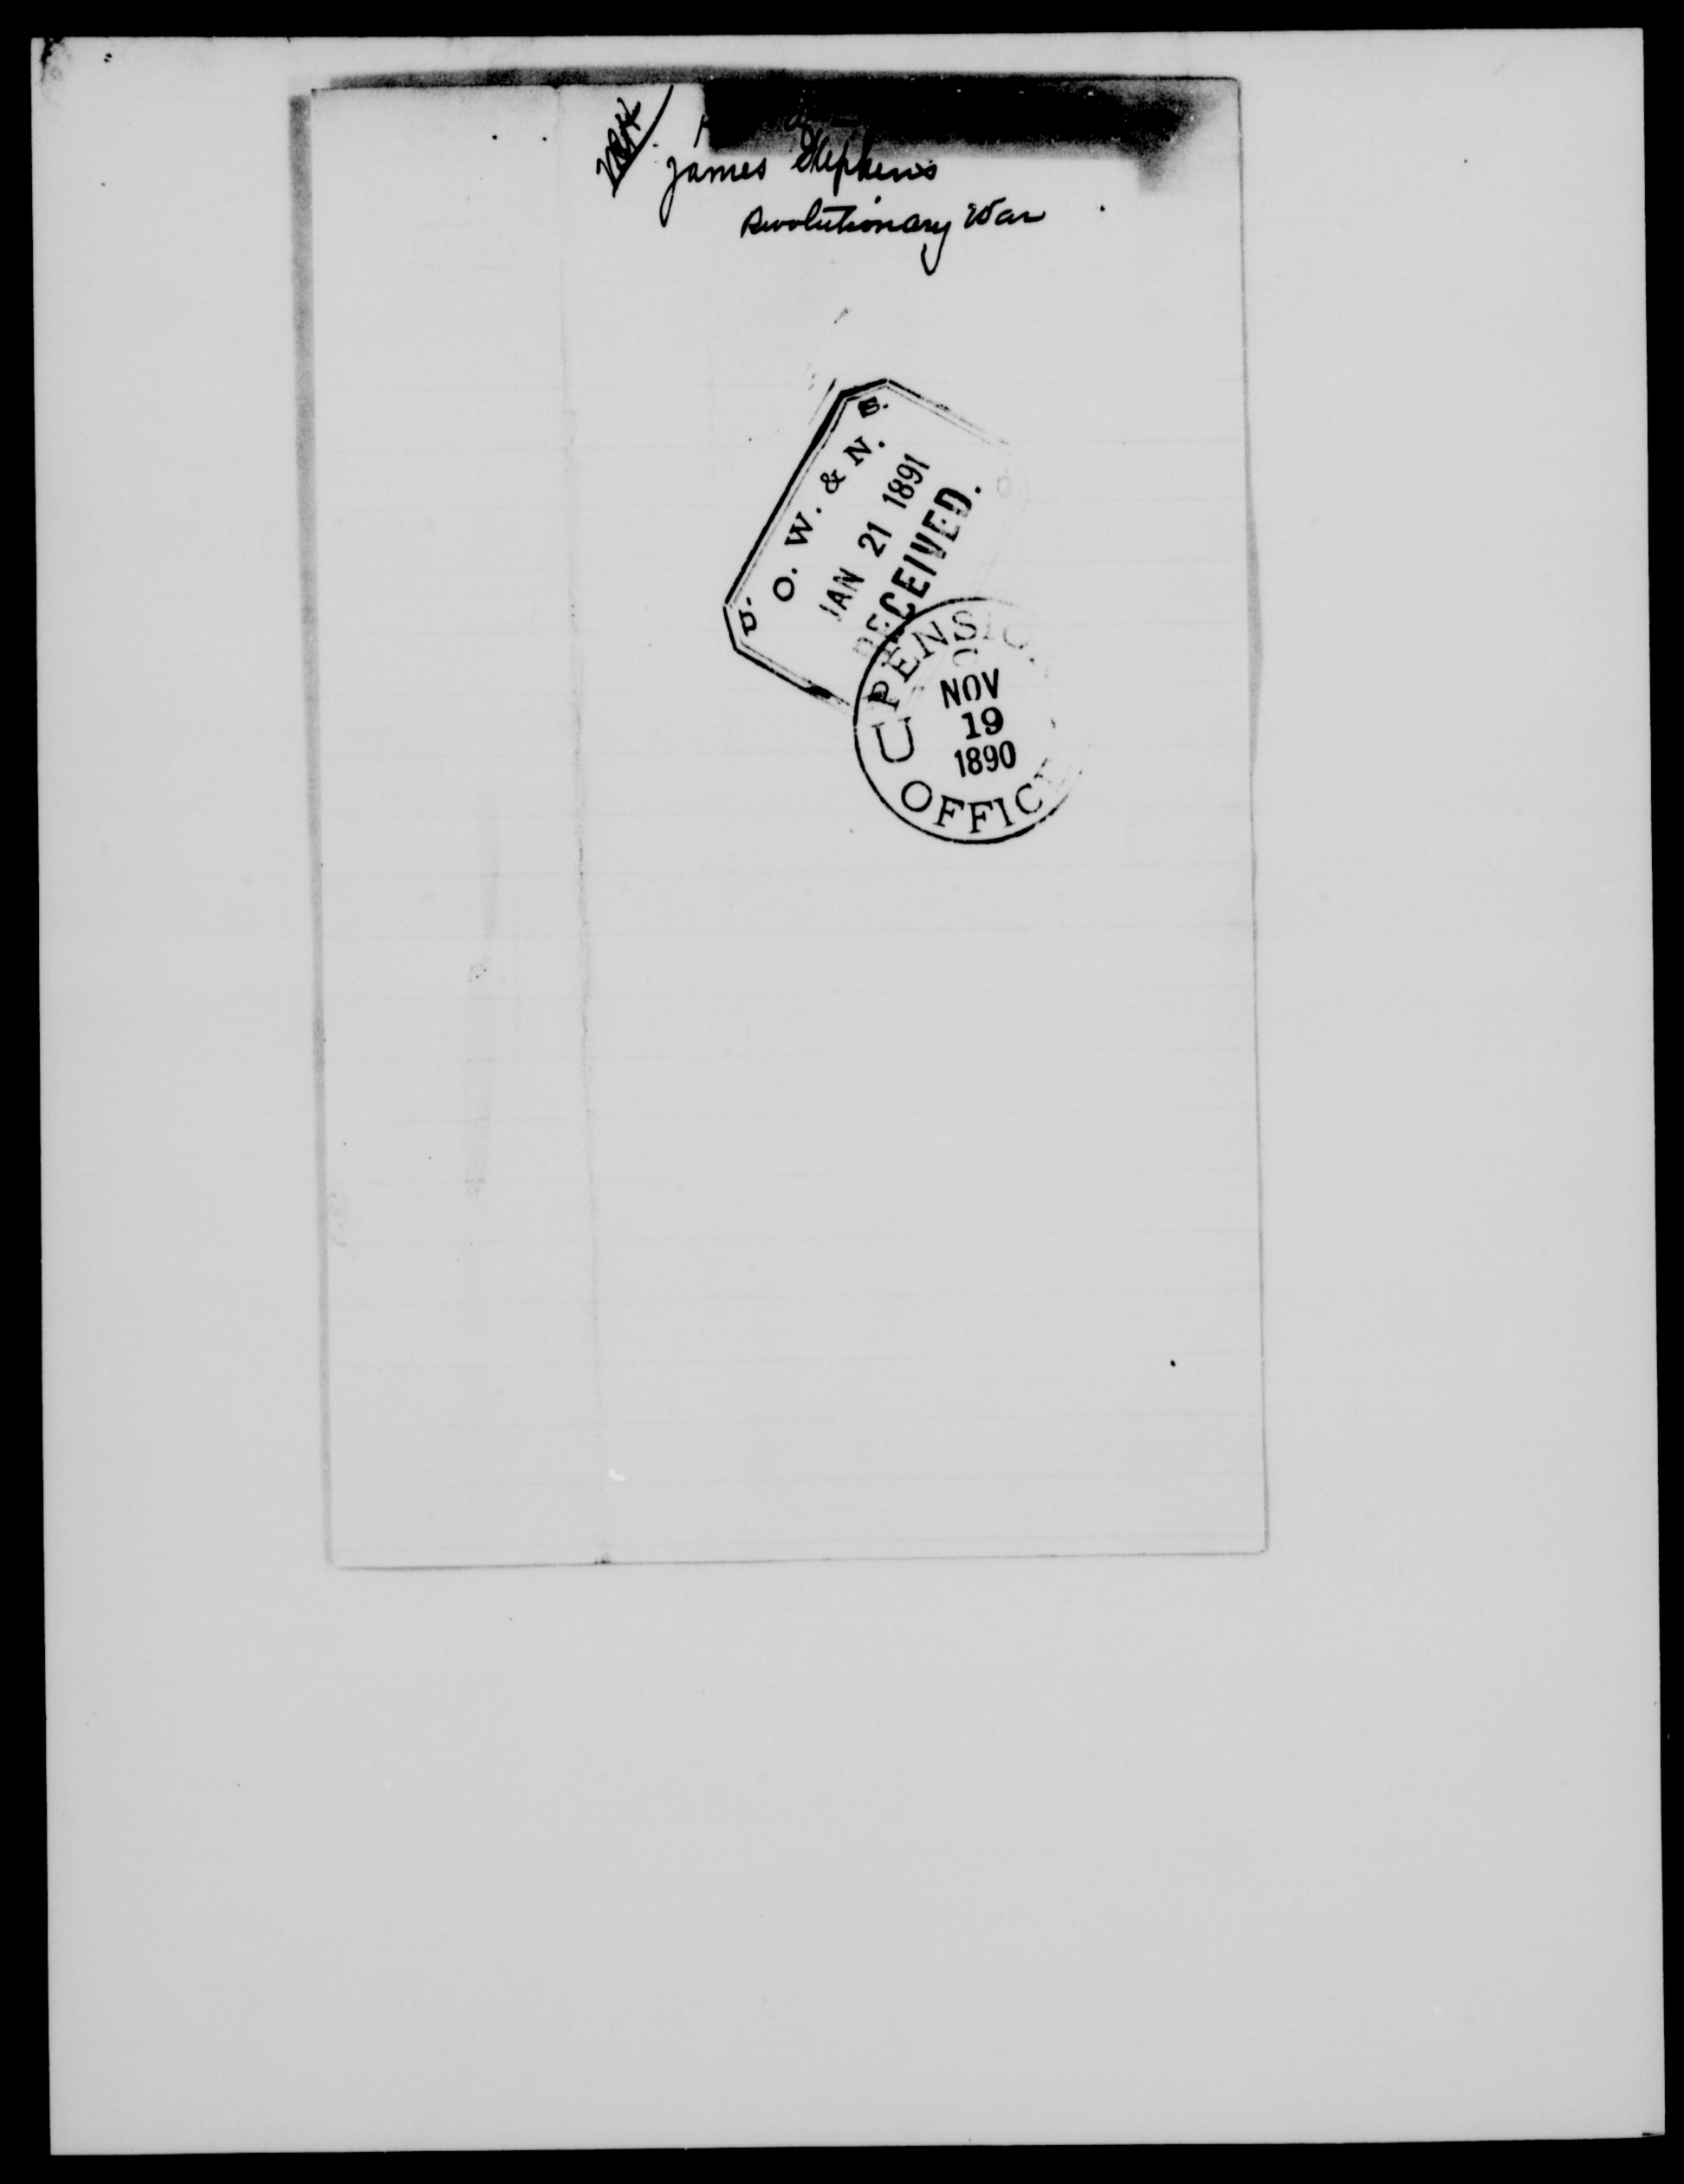NRH
James Stephens
Revolutionary War
U.S.
O.W. & N.
Jan 21 1891
Received.
Pension Office
Nov 19 1890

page: 45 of 99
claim: widow's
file: W 8766, for James Stevens, Virginia